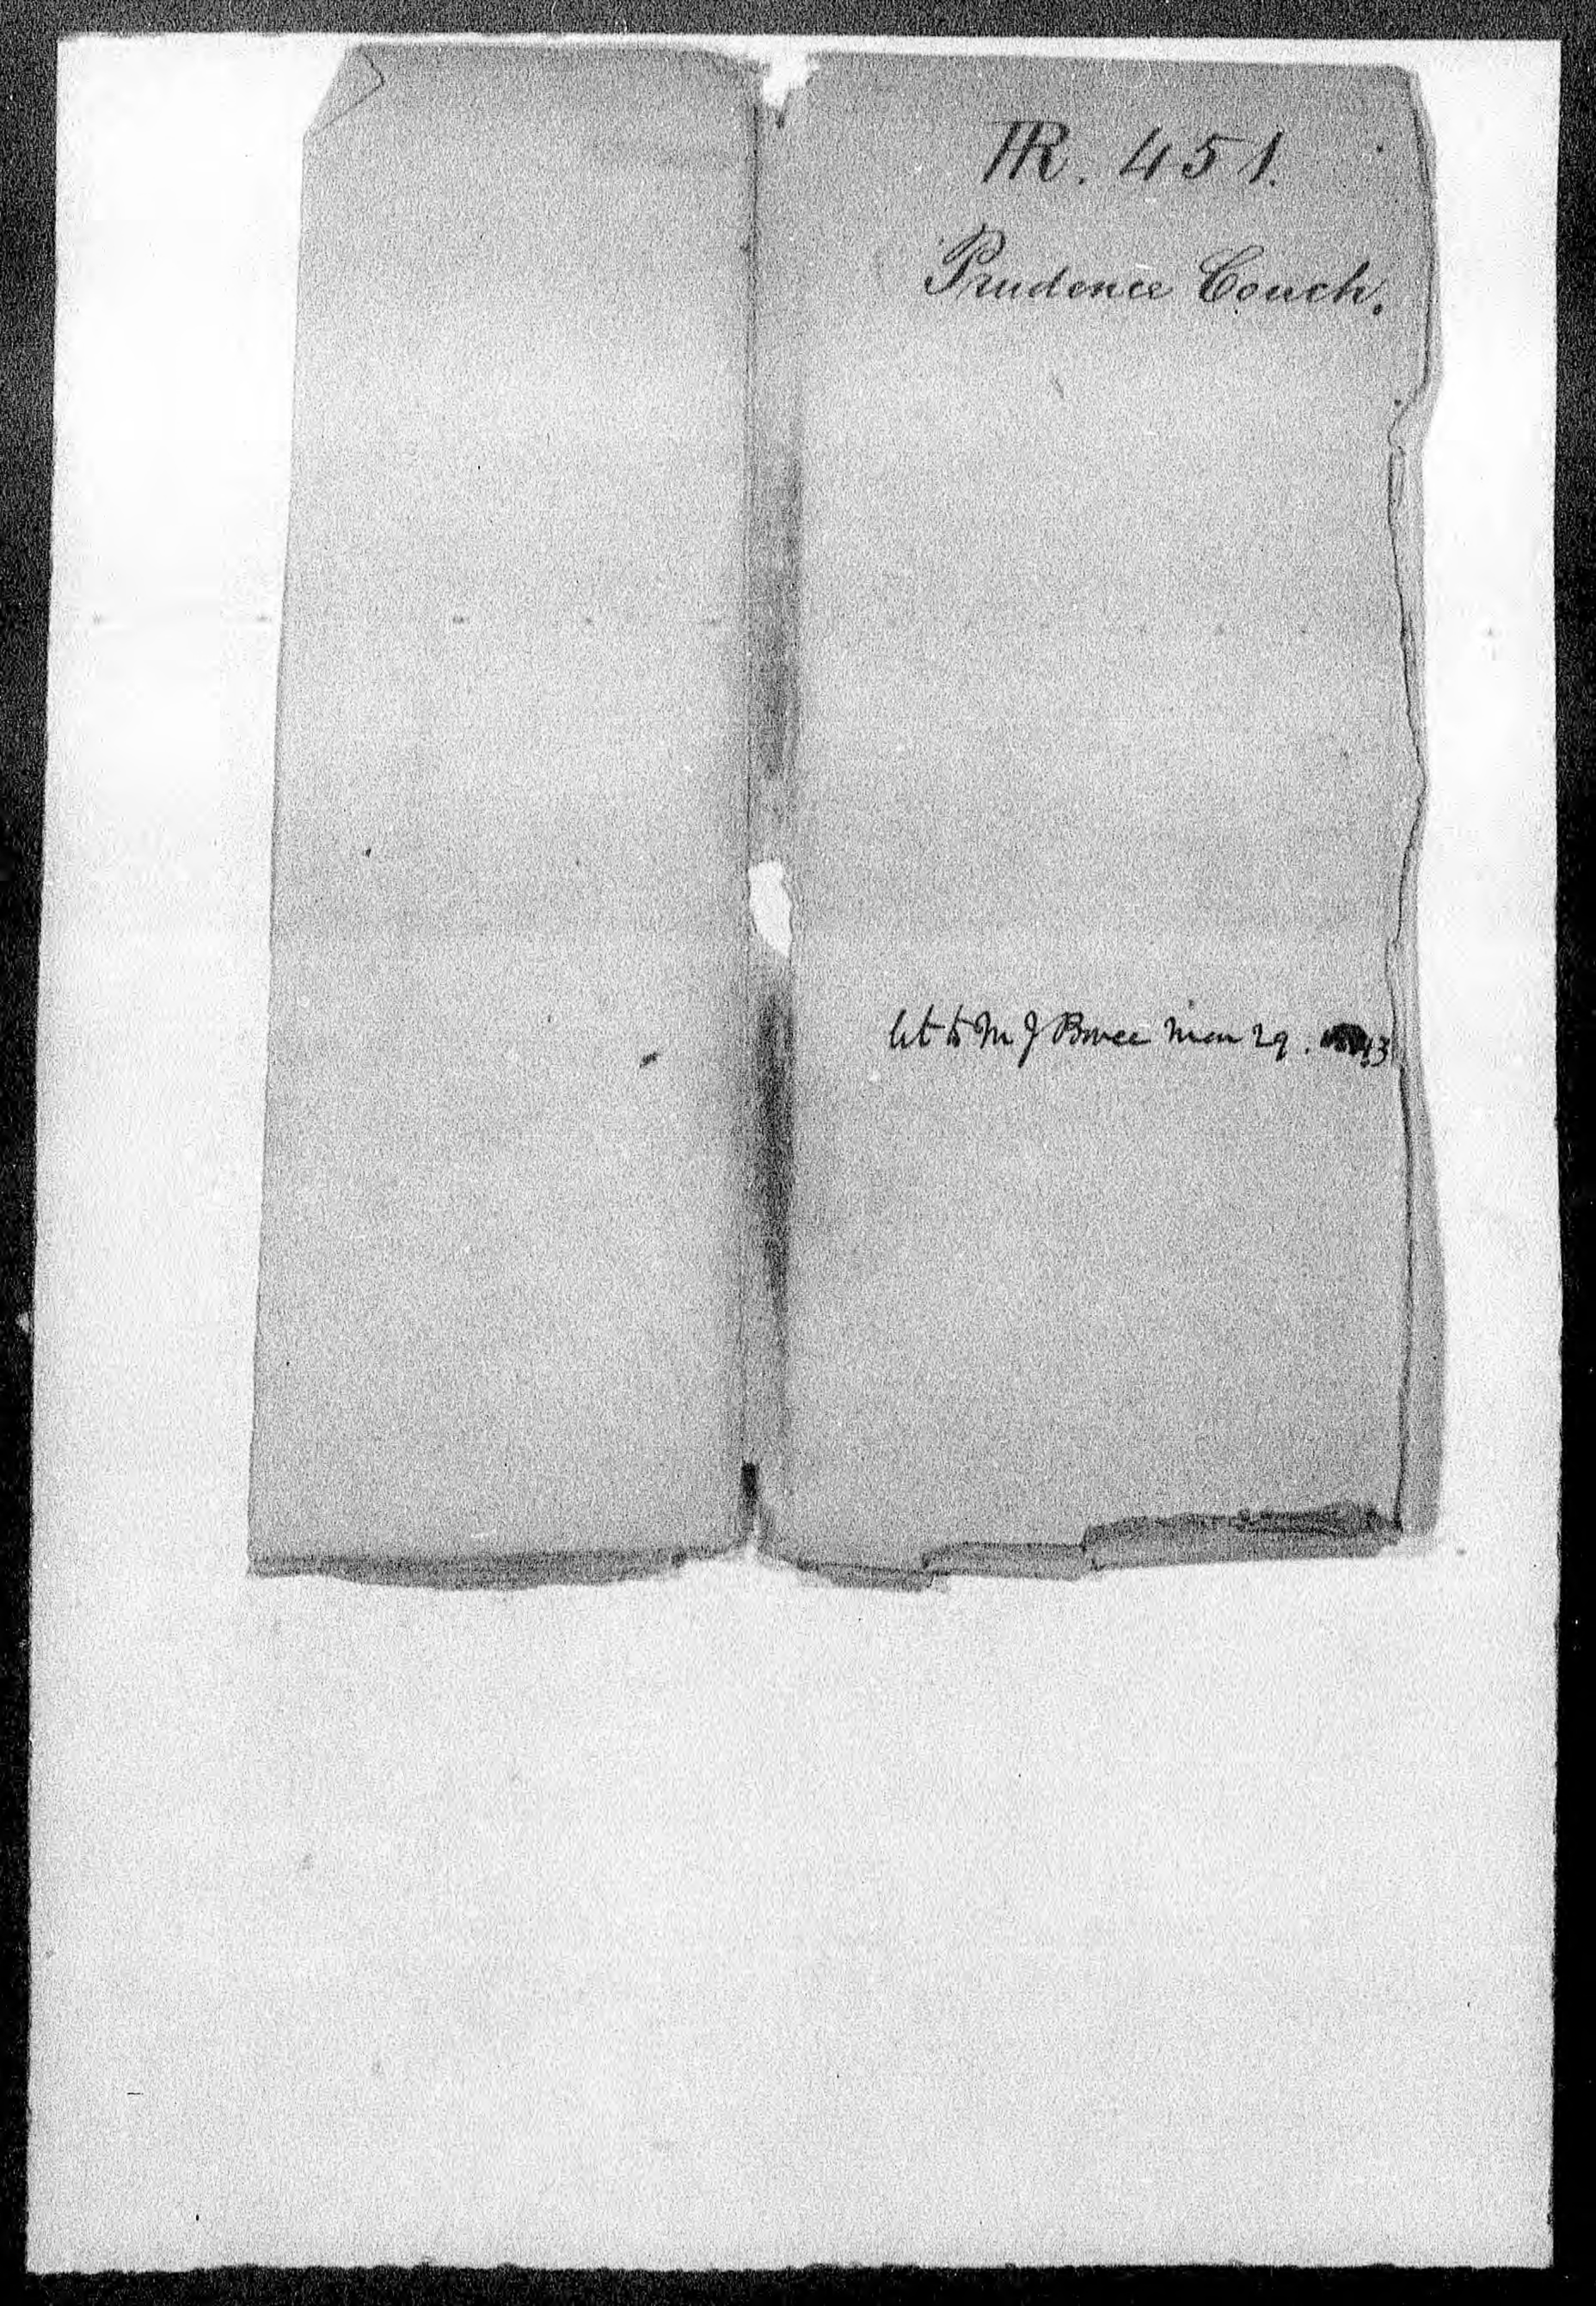HR 451
Prudence Couch


let to M J Bovee Mar 29 1843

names: M J Bovee, Prudence Couch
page: 20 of 68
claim: rejected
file: R. 2,360, John Couch, Conn.